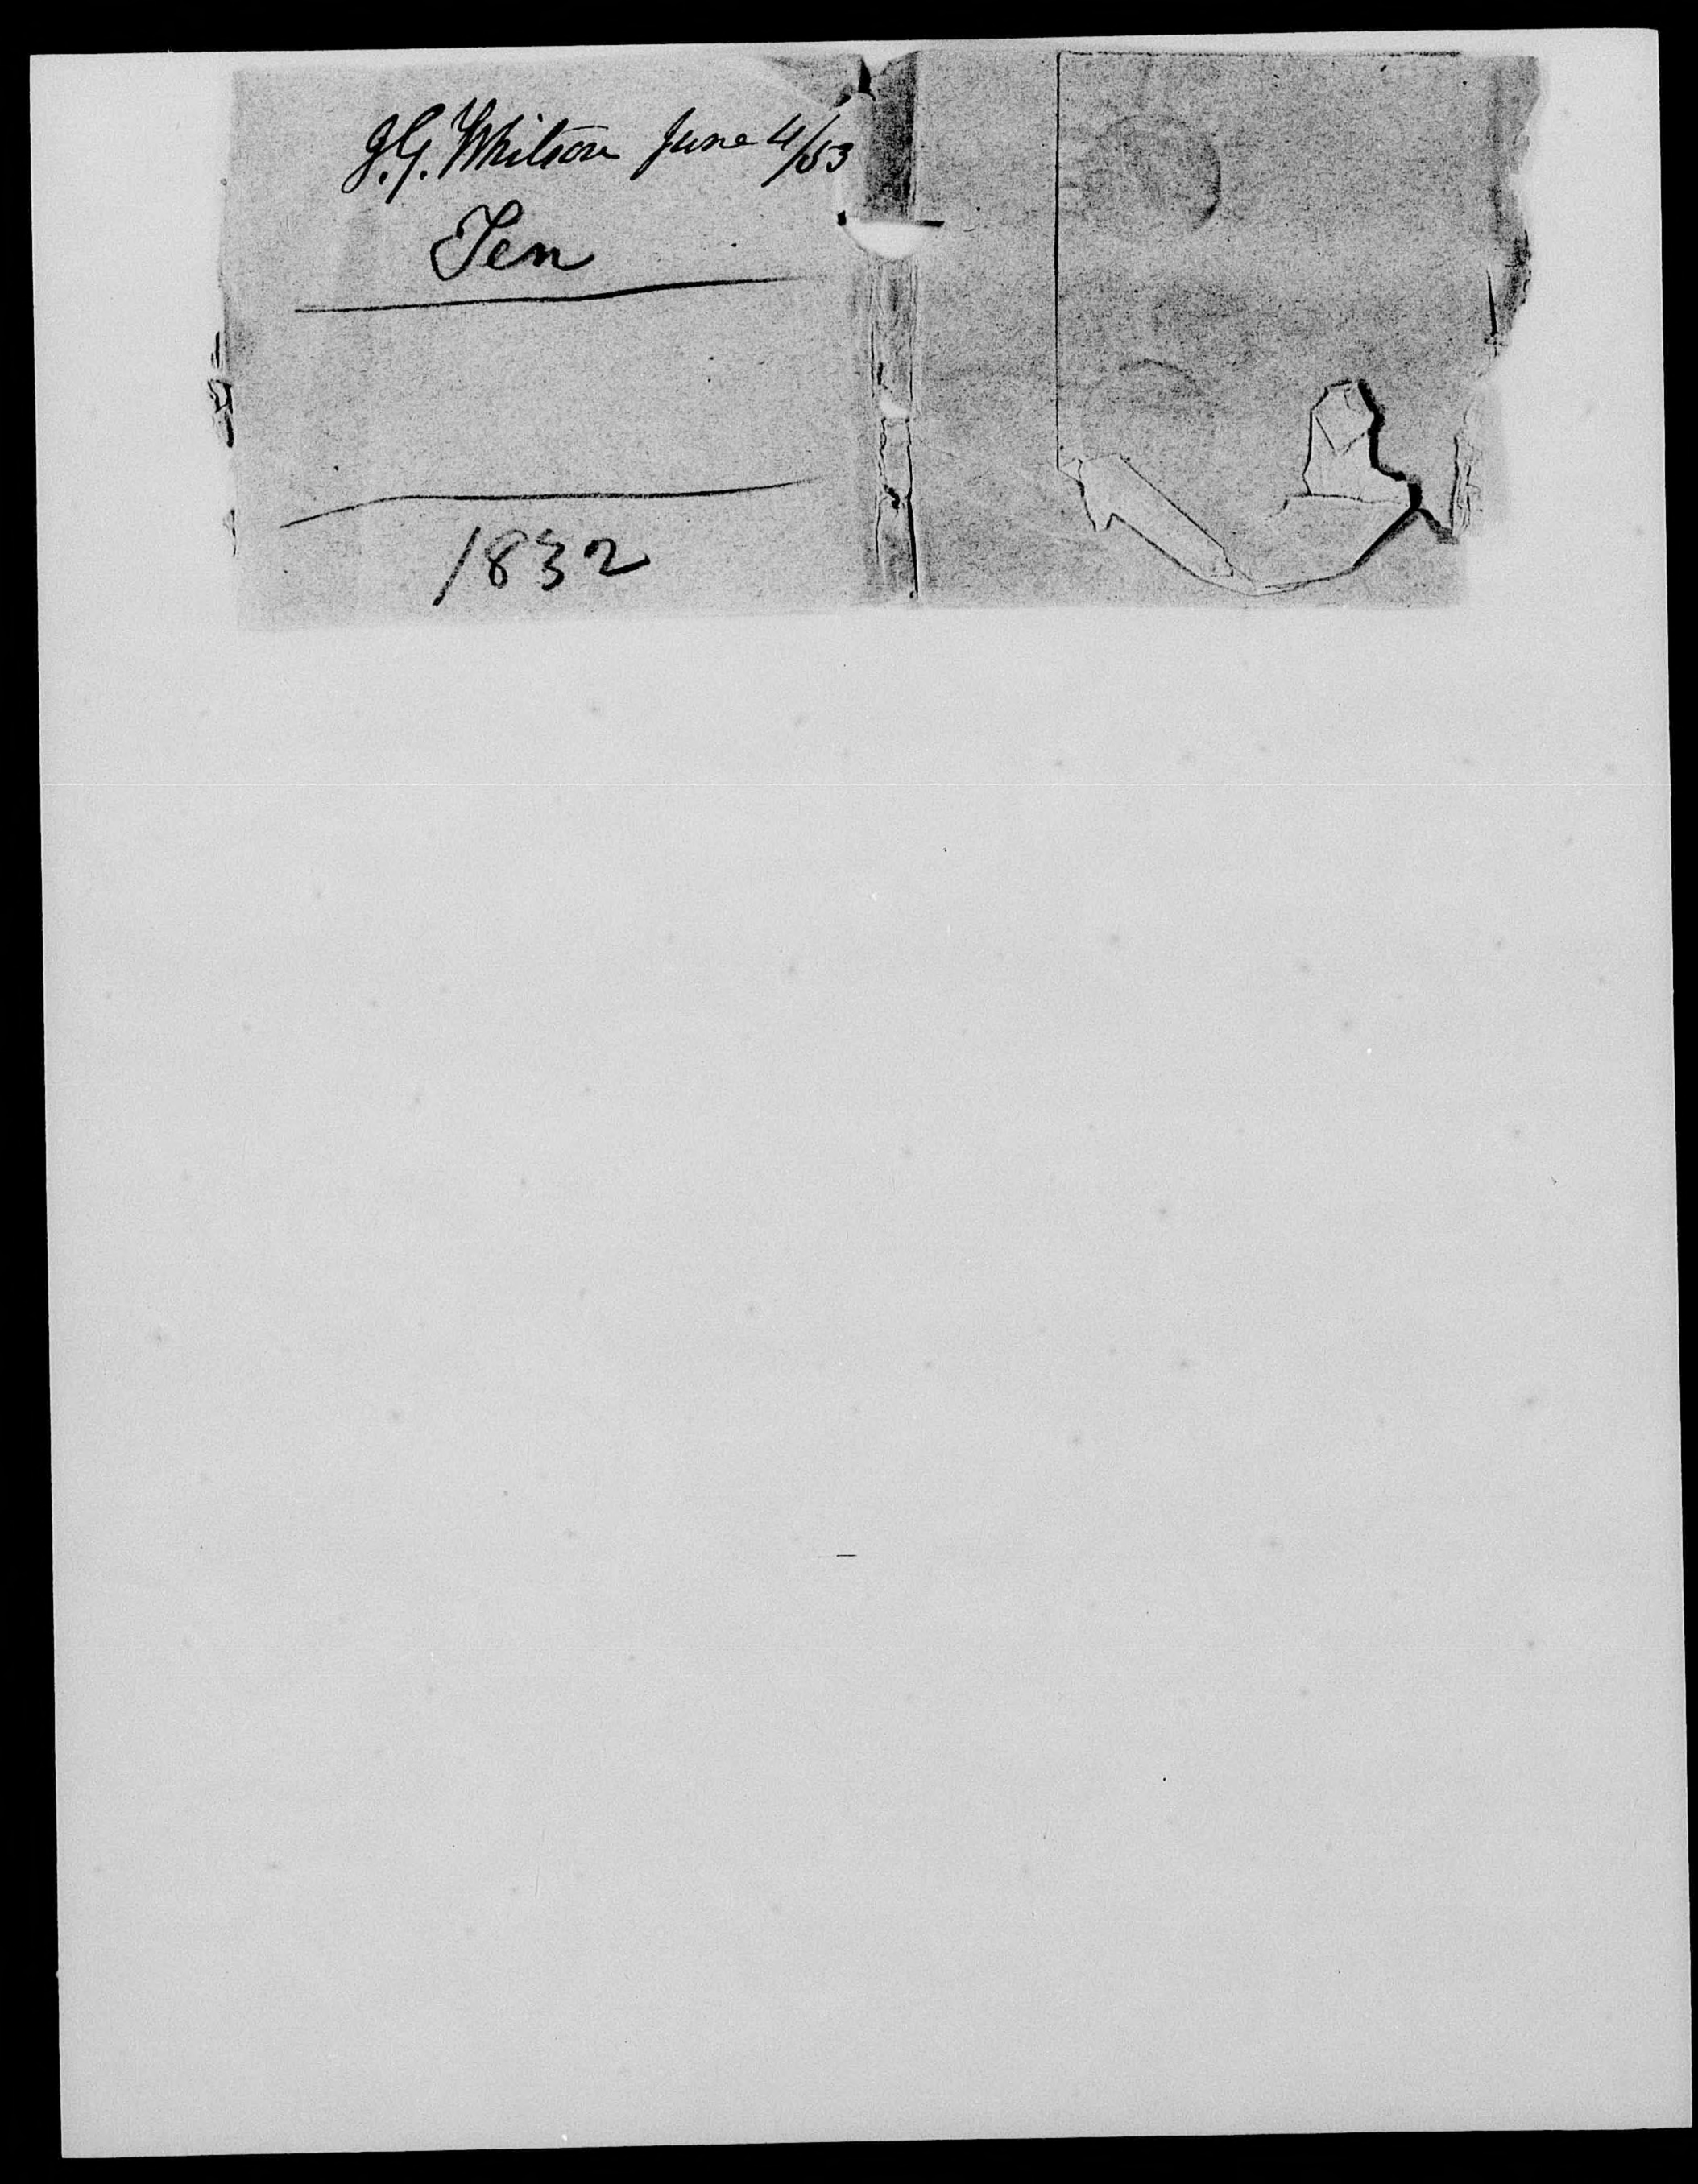(Handwritten document)

J. G. Whitson June 4/53
Ten
1832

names: J G Whitson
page: 21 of 37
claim: rejected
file: R. 6521, for Dickeson Lumpkin, Pennsylvania